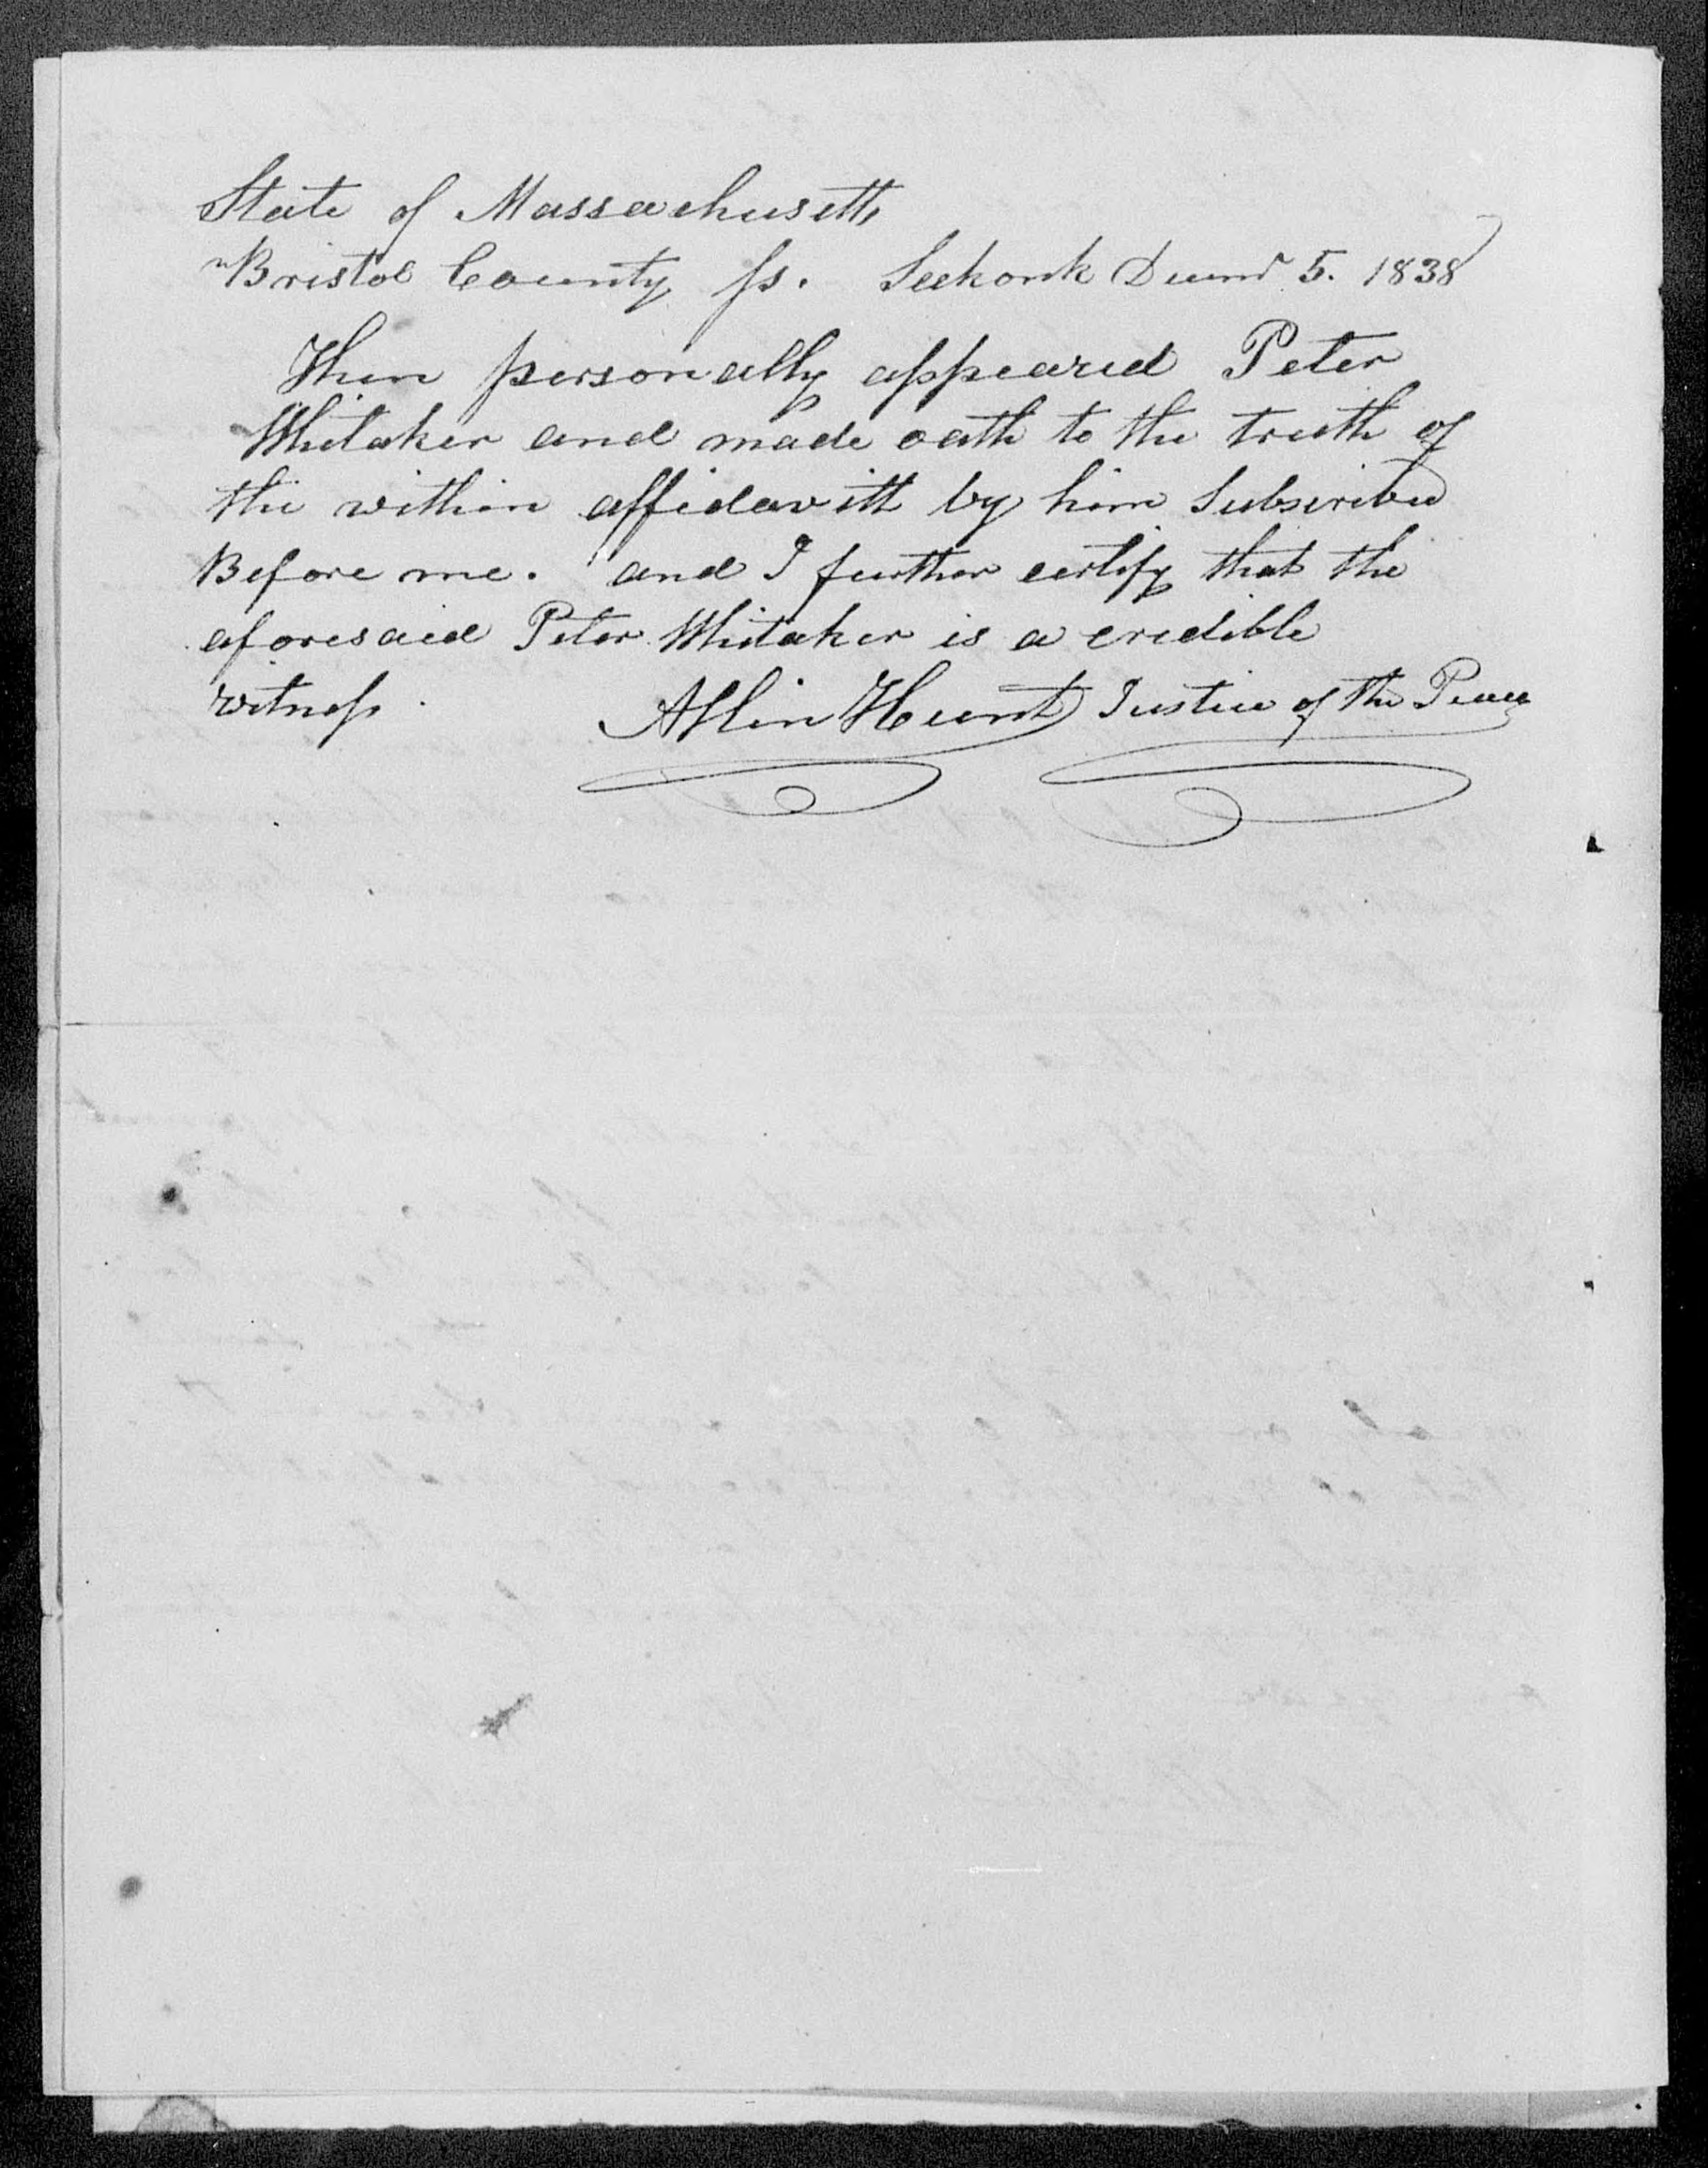State of Massachusetts
Bristol County ss. Seekonk Decemr. 5. 1838

Then personally appeared Peter Whitaker and made oath to the truth of the within affidavitt (affidavit) by him Subscribed
Before me. and I further certify that the
aforesaid Peter Whitaker is a credible witness

Allen Hunt Justice of the Peace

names: Peter Whitaker, Peter Whitaker, Allin Hunt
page: 41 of 67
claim: widow's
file: W. 23772, James Campbell, Continental Mass.